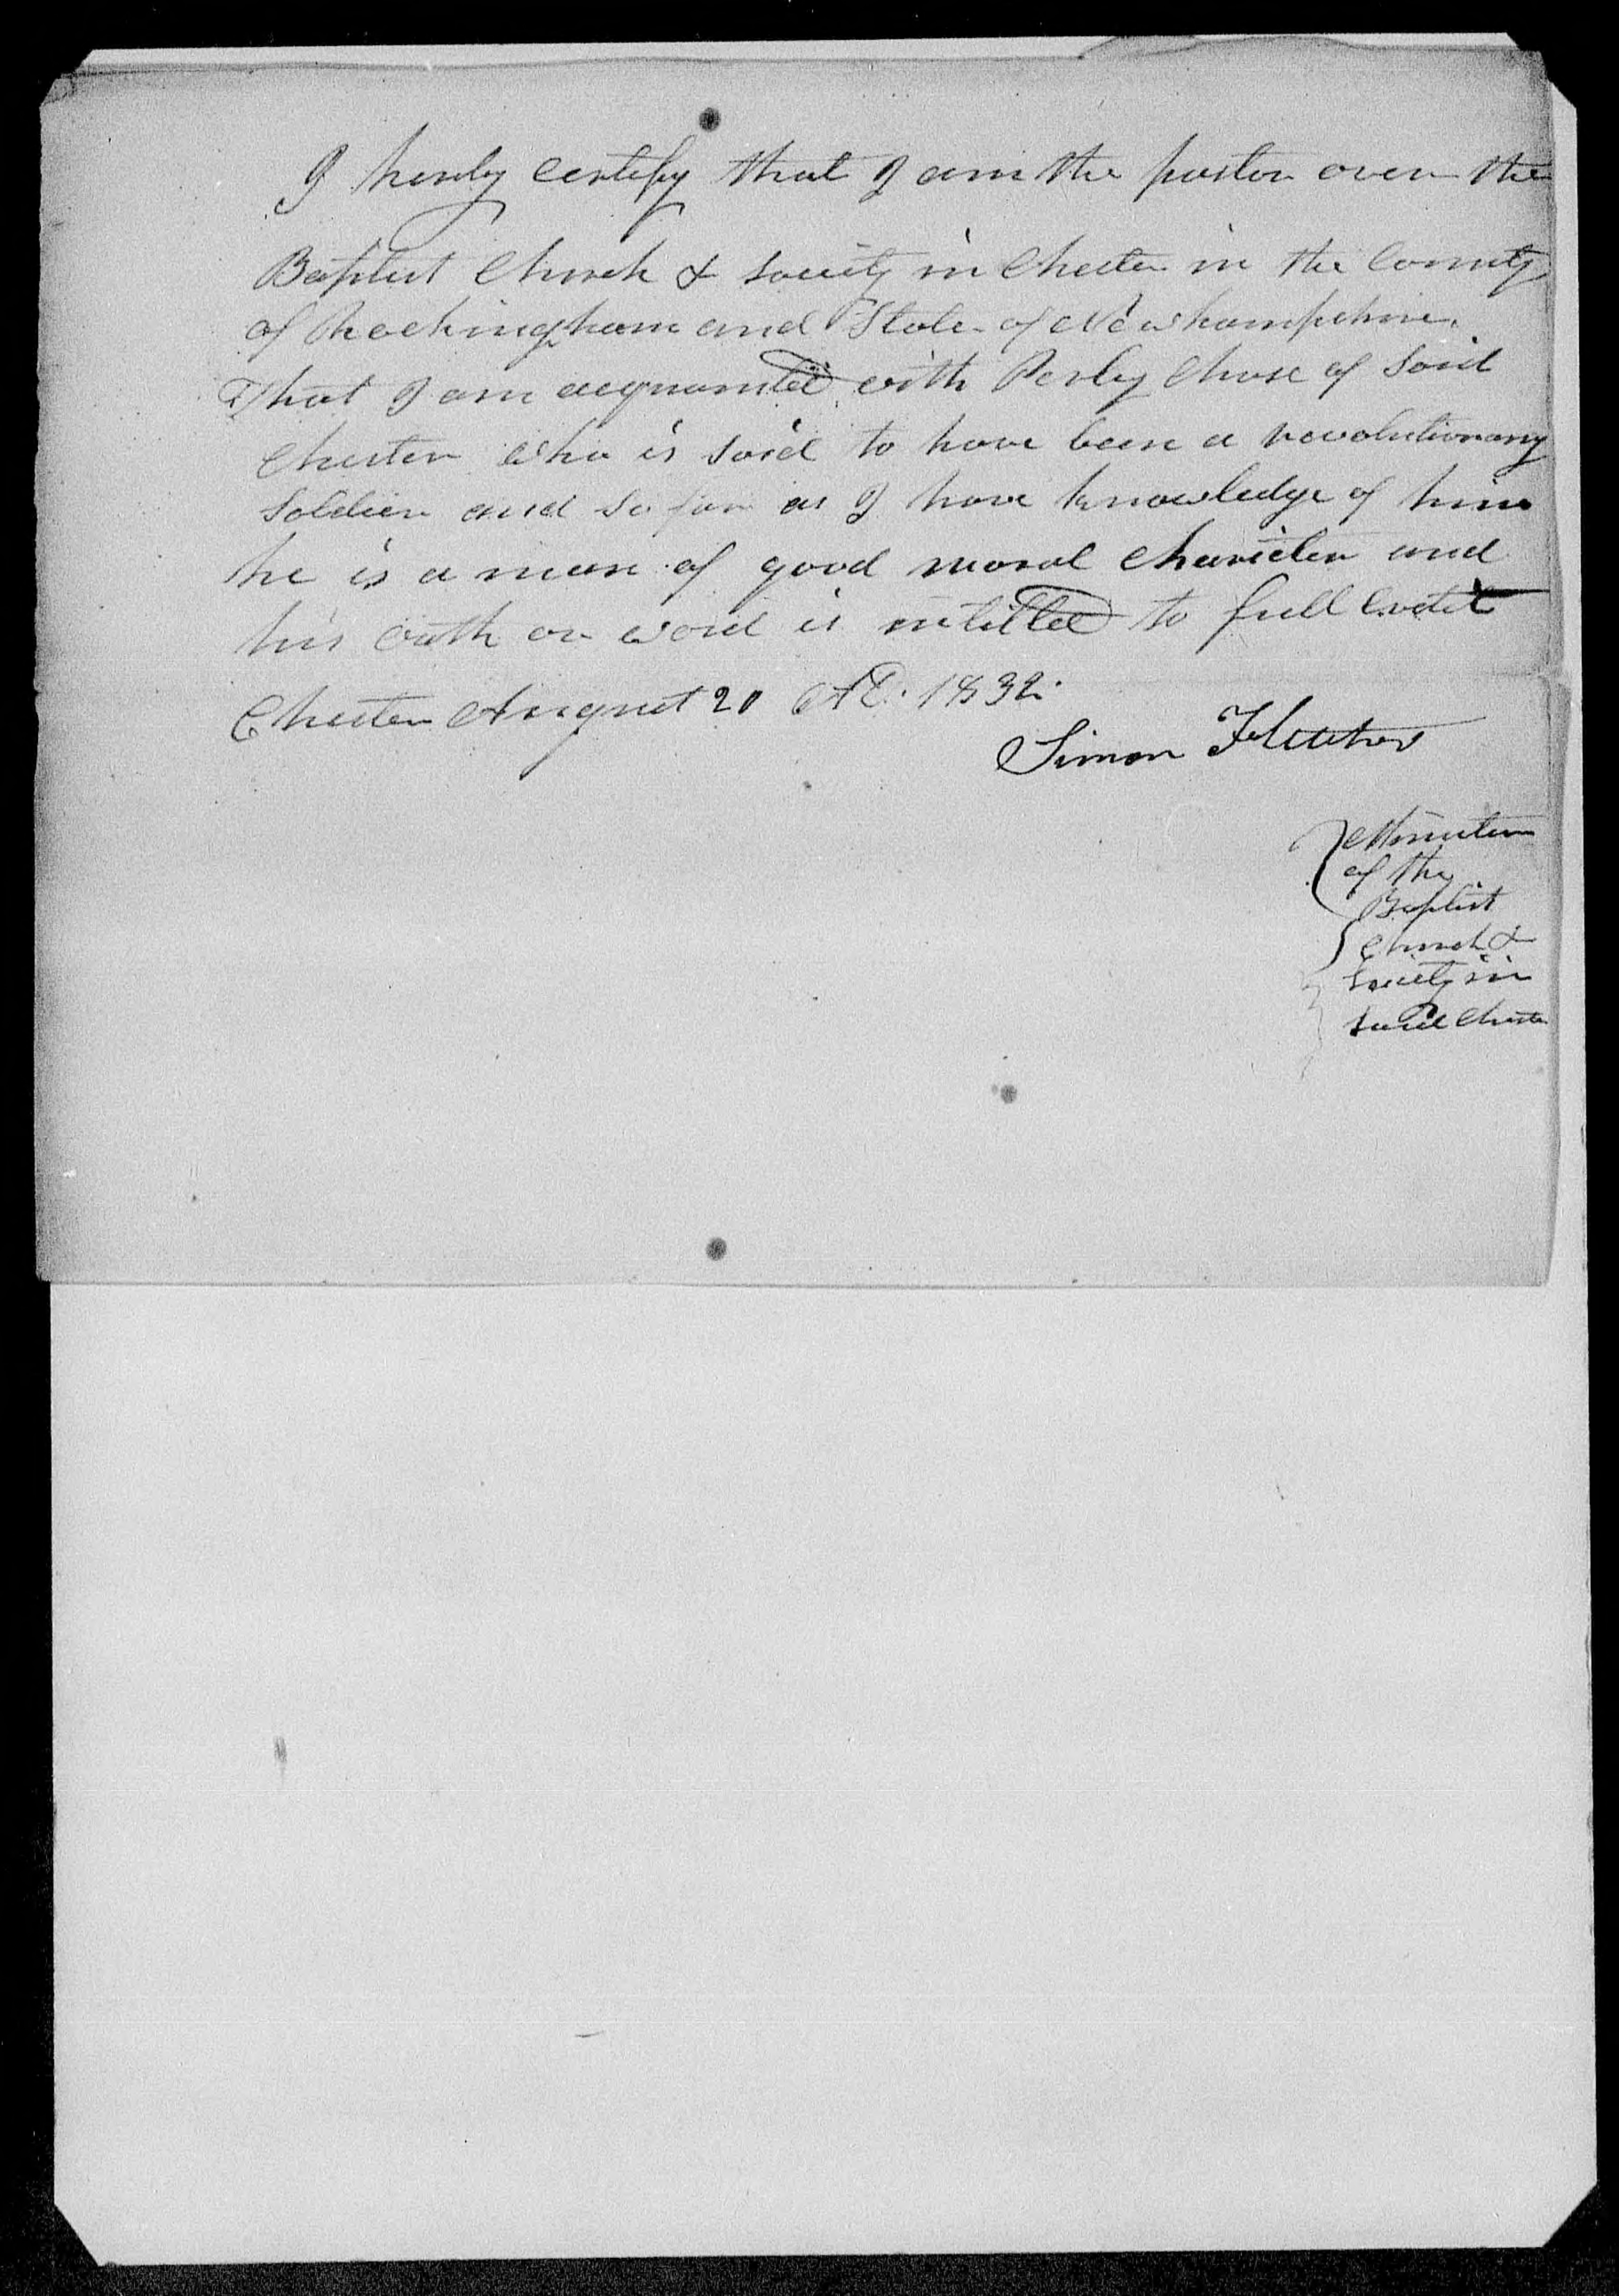I hereby certify that I am the pastor over the
Baptist Church & Society in Chester in the County
of Rockingham and State of New Hampshire
That I am acquainted with Perly Chase of said
Chester who is said to have been a revolutionary
Soldier and so far as I have knowledge of him
he is a man of good moral character and
his oath or word is entitled to full credit
Chester August 20 AD. 1832
Simon Fletcher
Minister of the Baptist Church & Society in Said Chester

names: Simon Fletcher, Perley Chase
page: 12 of 24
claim: survivor's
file: S. 17879, Perley Chase, Continental Mass.